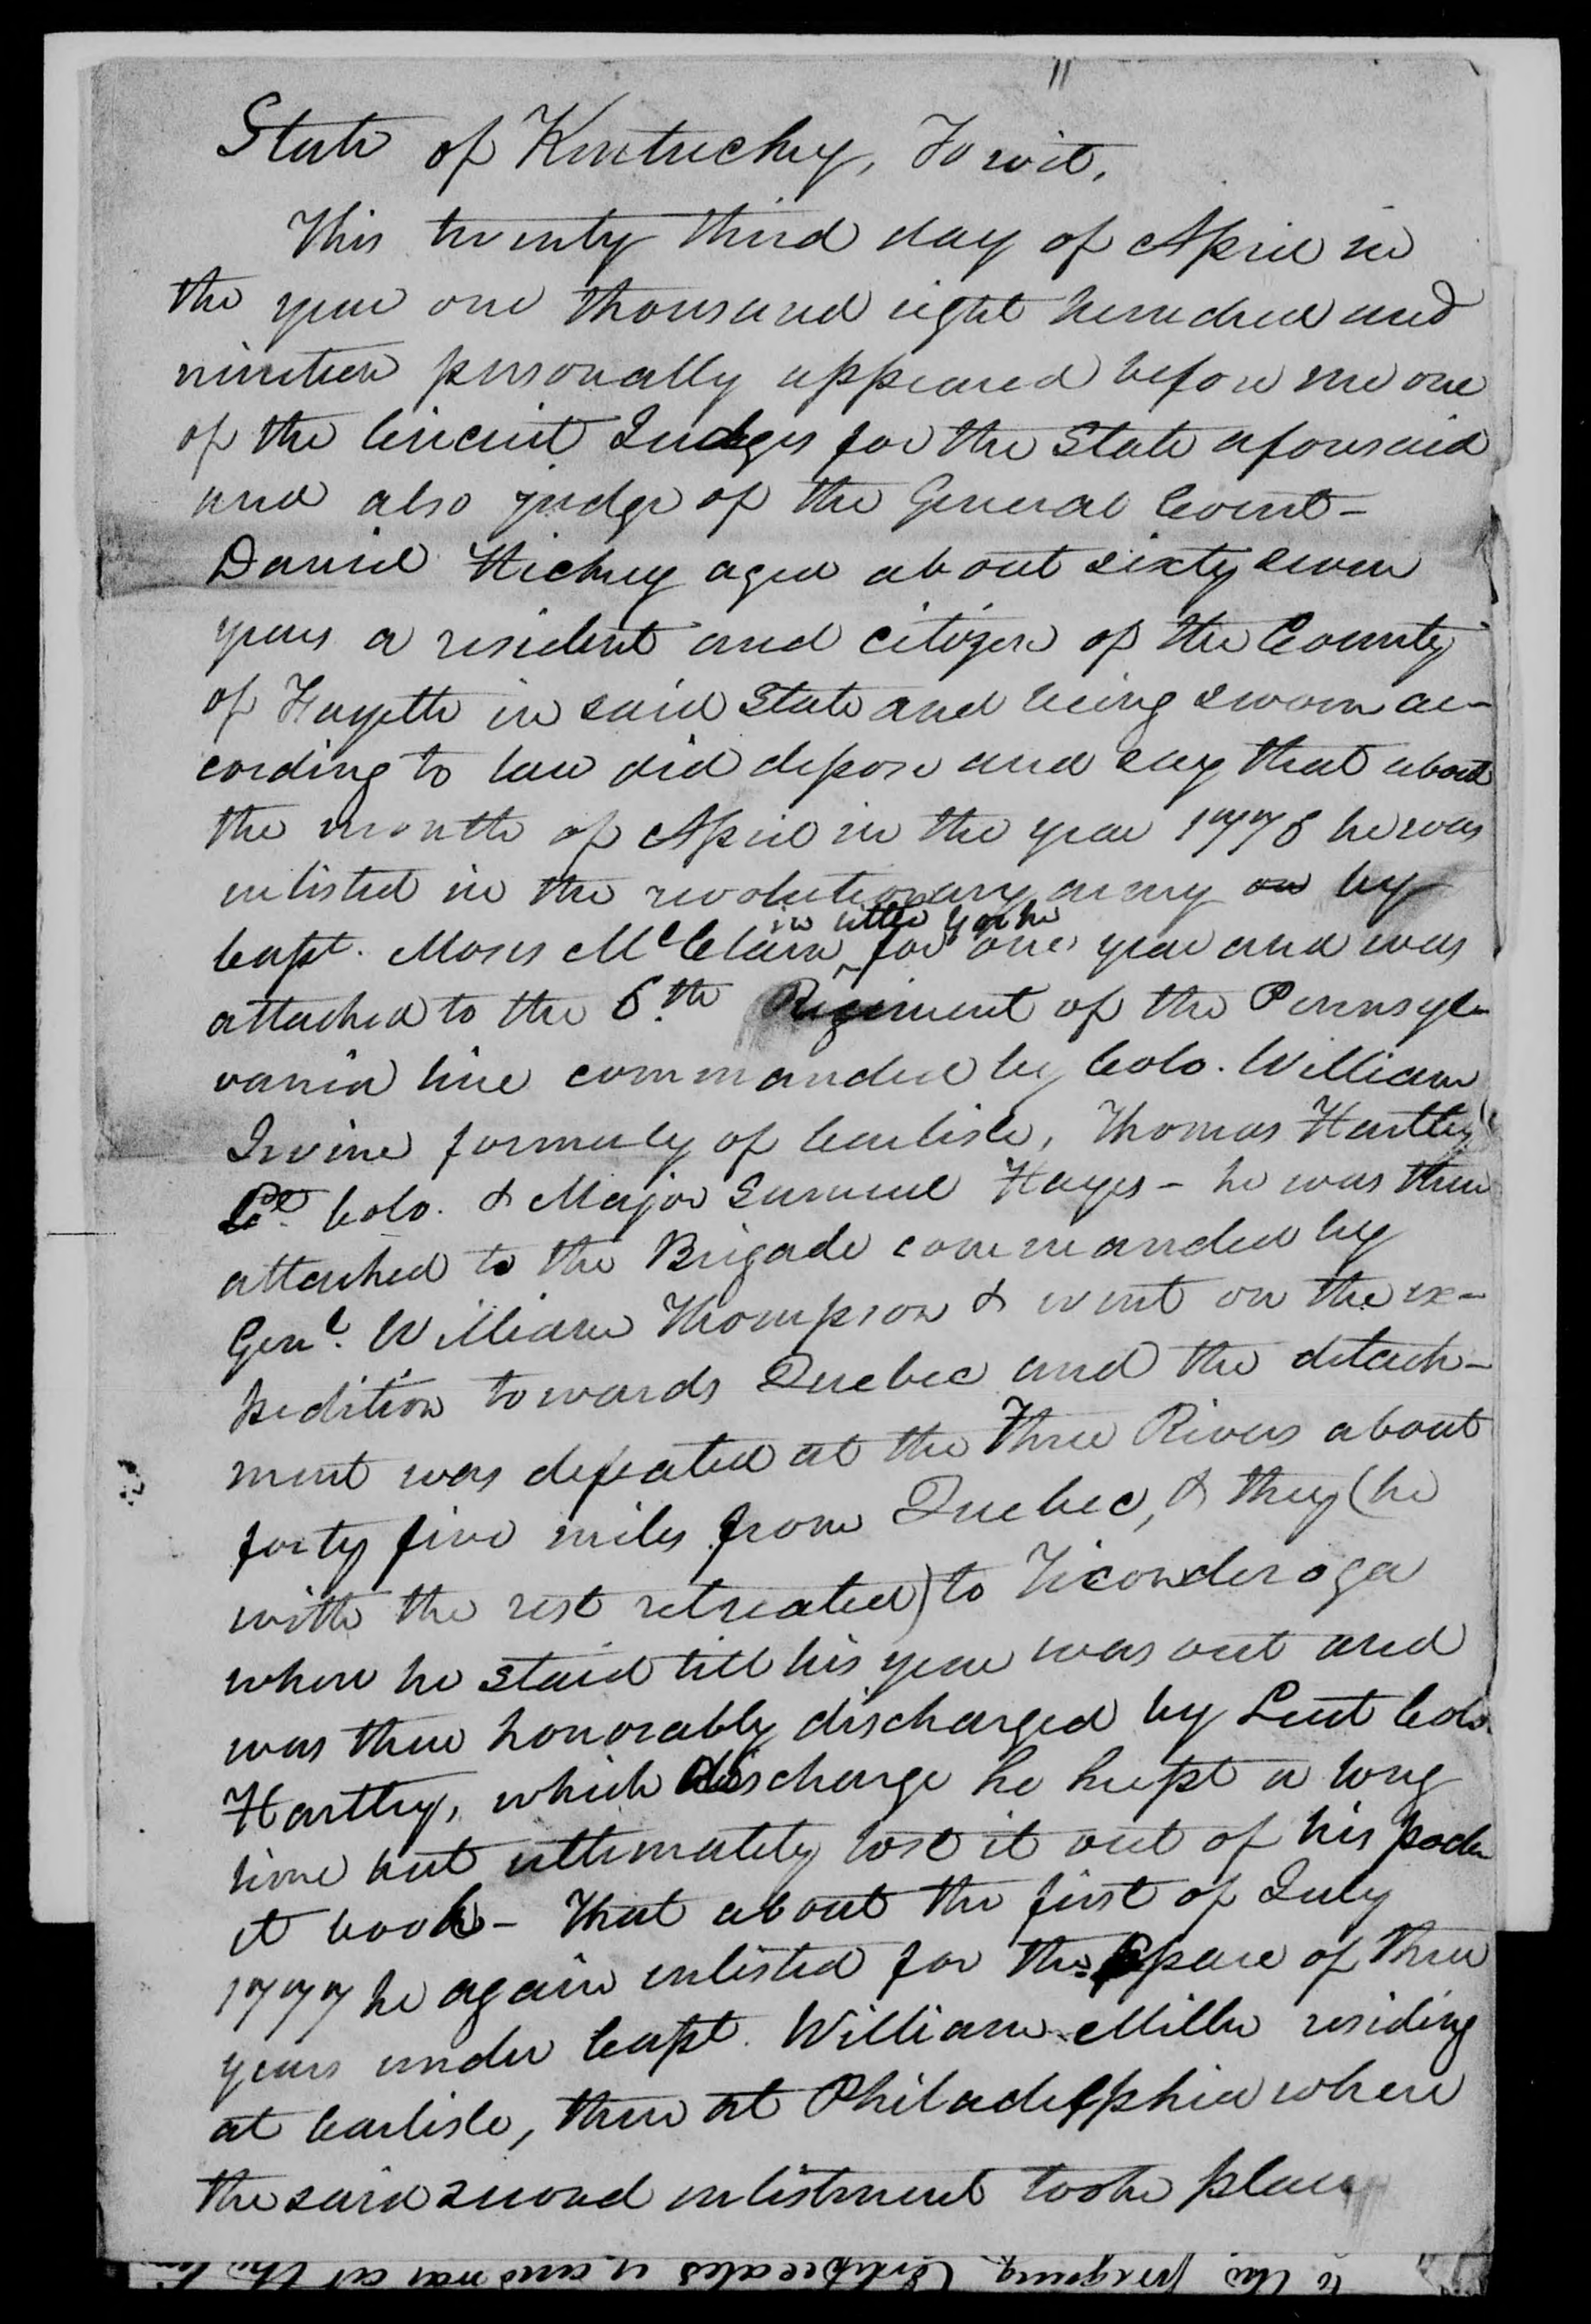State of Kentucky, To wit,
This twenty third day of April in the year one thousand eight hundred and nineteen personally appeared before me one of the
Circuit Judges for the State aforesaid
and also judge of the general Court,
Daniel Hickey aged about sixty seven
years a resident and citizen of the County
of Fayette in said State and being sworn according to law did depose and say that about the month of April in the year 1776 he was enlisted in the revolutionary army on by
Capt. Moses McLain ^in little York for one year and was attached to the 6th Regiment of the Pennsylvania line commanded by Colo. William
Irvine formerly of Carlisle, Thomas Hartley
Lt. Colo. & Major Samuel Hayes - he was then
attached to the Brigade commanded by
Genl William Thompson & went on the expedition towards Quebec and the detachment was defeated at the Three Rivers about forty five miles from Quebec, & they the
(he with the rest retreated) to Ticonderoga
where he staid till his year was out and was then honorably discharged by Lt Colo.
Hartley, which discharge he kept a long
time but ultimately lost it out of his pocket
book. That about the first of July 1777 he again enlisted for the space of three years under Capt William Miller residing at Carlisle, then at Philadelphia where the said second enlistment took place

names: William Thompson, Daniel Hickey, William Irvine, Thomas Hartley, William Miller, Moses Mc Clain, Samuel Hayes, Hartley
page: 49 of 84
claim: widow's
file: W. 7744, Daniel Hickey, Penn.